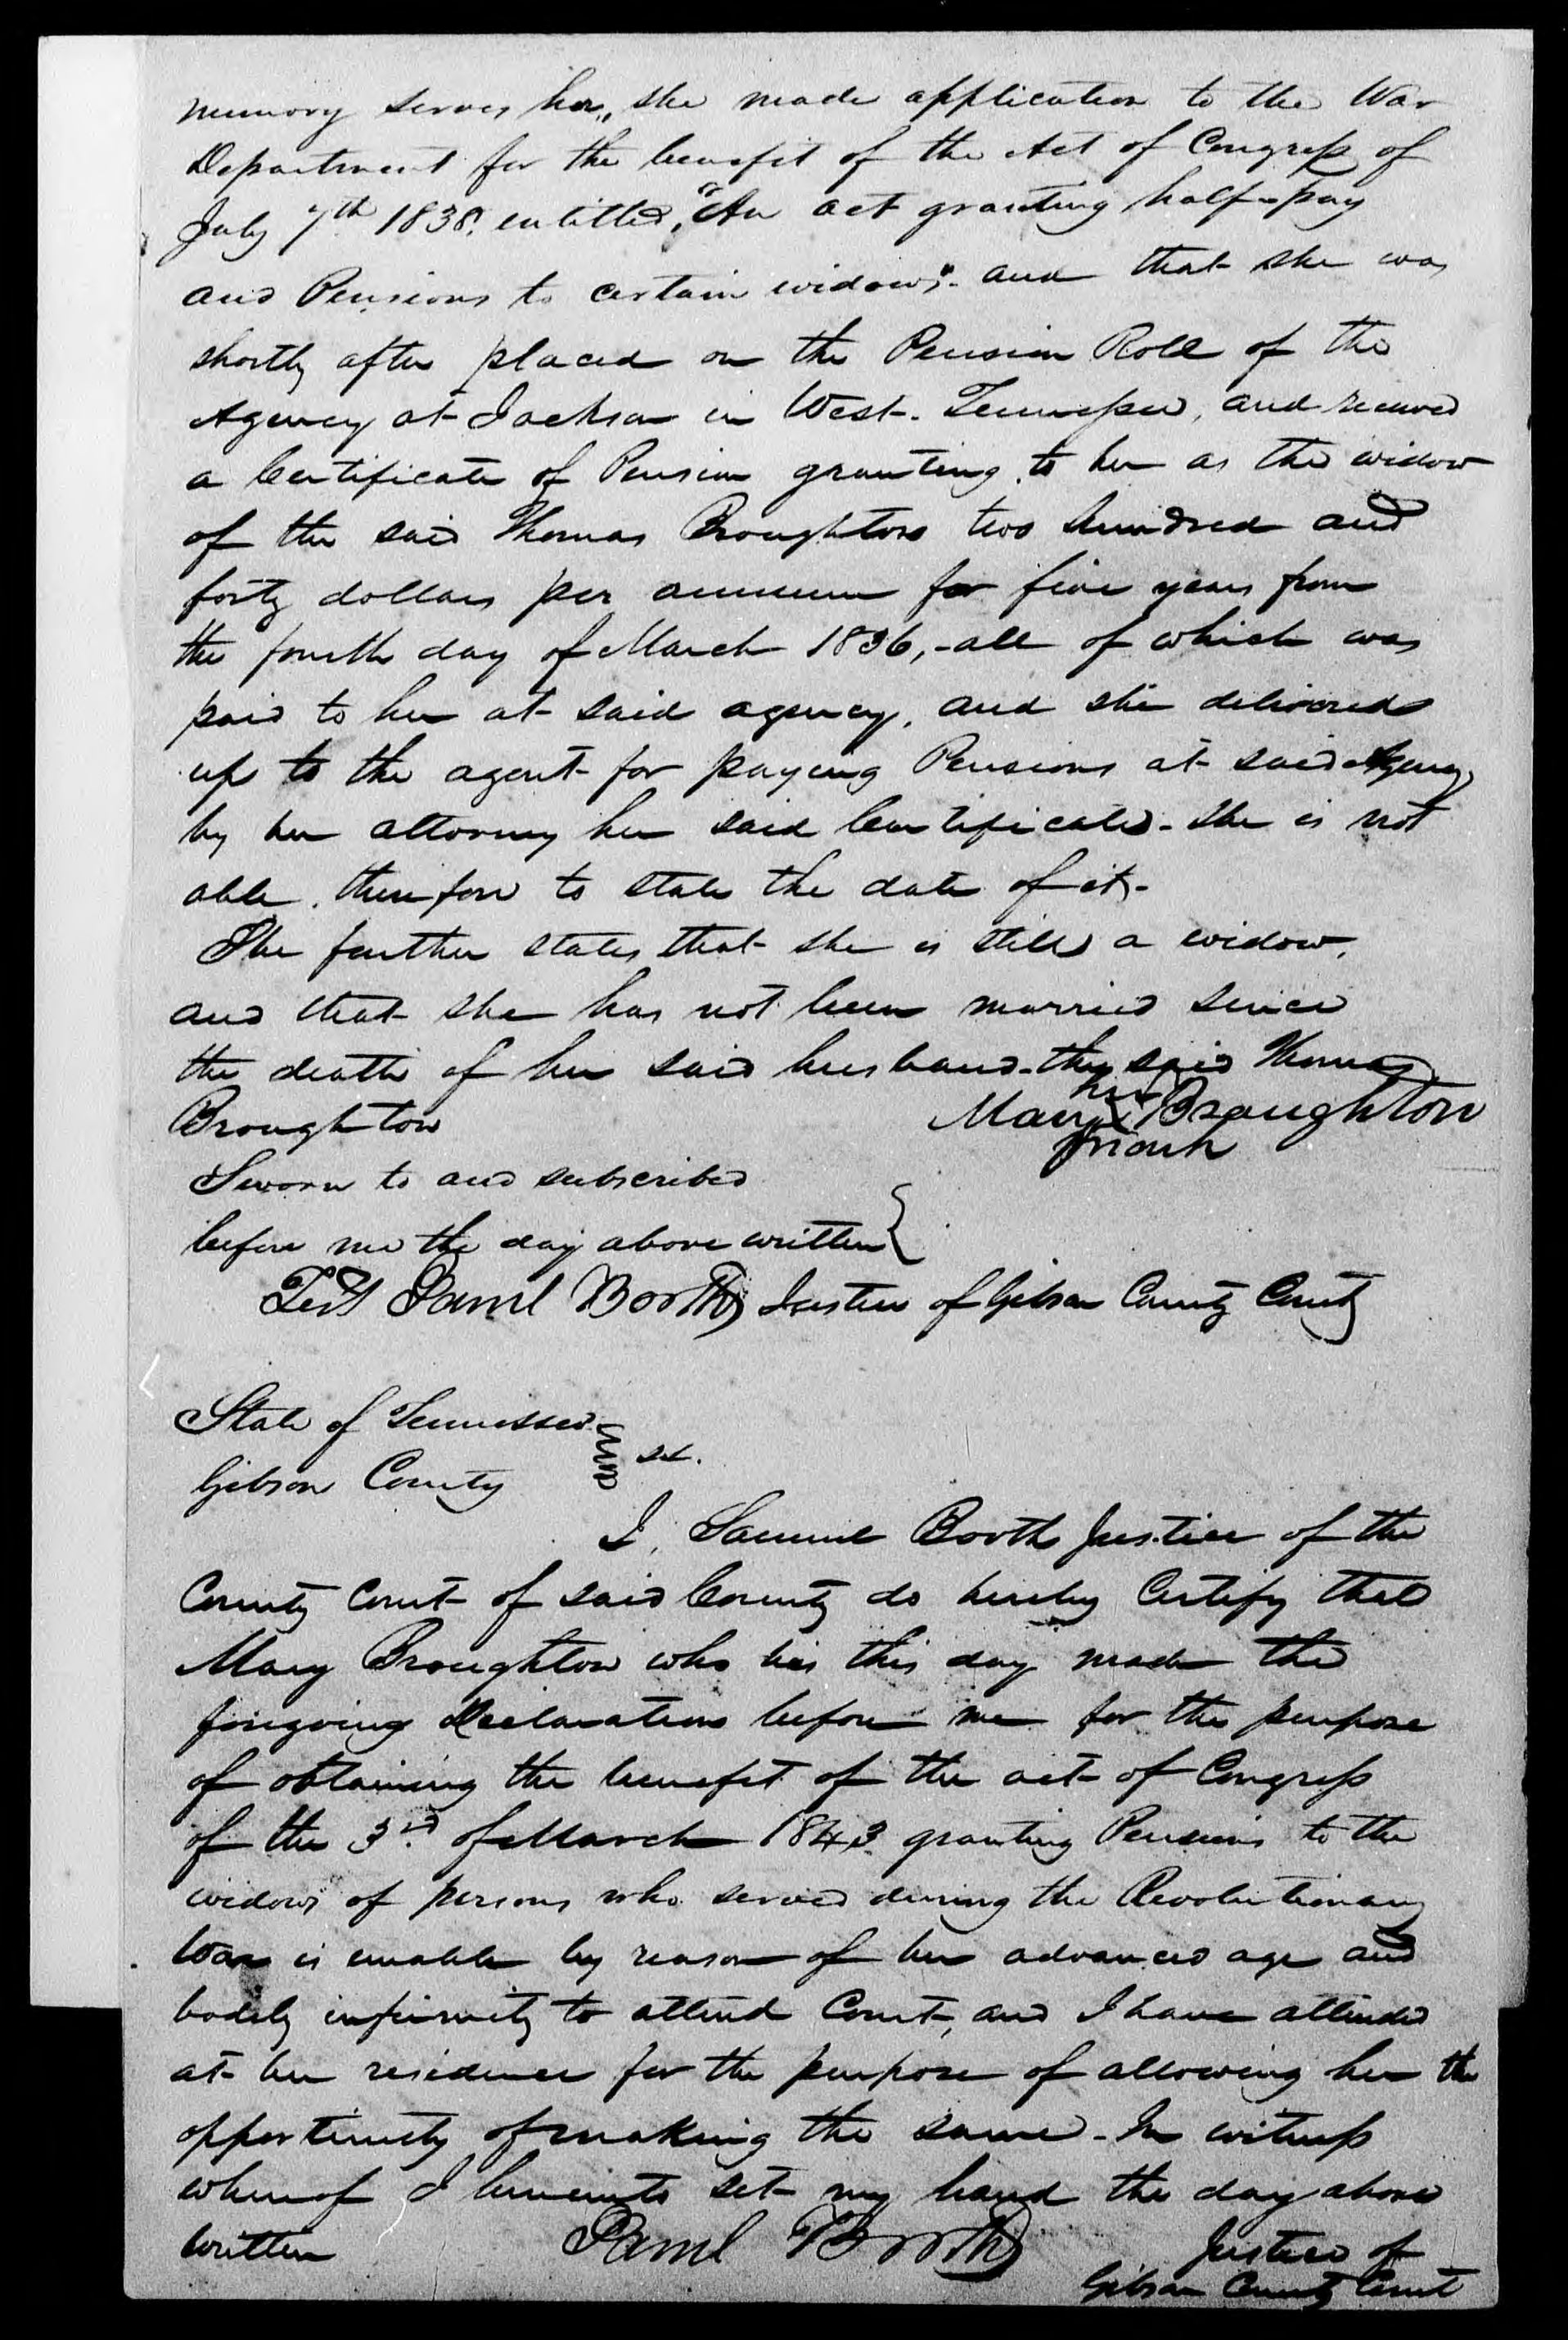memory serves her, she made application to the War Department for the benefit of the Act of Congress of July 7th 1838, entitled "An act granting half-pay and Pensions to certain widows," and that she was shortly after placed on the Pension Roll of the Agency at Jackson in West Tennessee, and received a Certificate of Pension granting, to her as the widow of the said Thomas Broughton two hundred and forty dollars per annum for five years from the fourth day of March 1836, all of which was paid to her at said agency, and she delivered up to the agent for paying Pensions at said Agency by her attorney her said Certificates. She is not able therefore to state the date of it.
She further states that she is still a widow, and that she has not been married since the death of her said husband. the said Thomas Broughton
Mary her X mark Broughton
Sworn to and subscribed
before me the day above written
[illegible] Saml Booth  Justice of Gibson County Court

State of Tennessee
Gibson County } SS.
I, Samuel Booth Justice of the County Court of said County do hereby Certify that Mary Broughton who has this day made the foregoing Declaration before me for the purpose of obtaining the benefit of the act of Congress of the 3rd of March 1843, granting Pensions to the widows of persons who served during the Revolutionary War is unable by reason of her advanced age and bodily infirmity to attend Court, and I have attended at her residence for the purpose of allowing her the opportunity of making the same. In witness whereof I hereunto set my hand the day above written
Saml Booth
Justice of Gibson County Court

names: Thomas Broughton, Samuel Booth, Mary Broughton, Saml Booth, Thomas Broughton, Saml Booth, Mary Braughton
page: 55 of 72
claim: widow's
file: W. 897, Thomas Broughton, S.C.